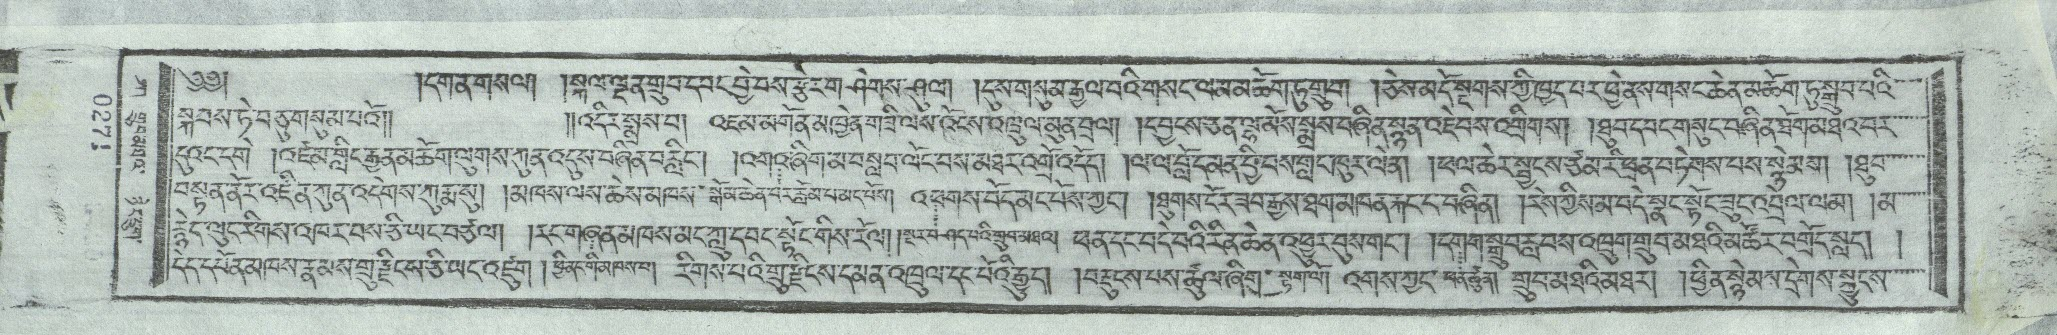༄༅། །དག་ན་གསལ། །སྐལ་ལྡན་གྲུབ་དབང་བྱེ་བས་རྩེར་གཤེགས་ཤུལ། །དུས་གསུམ་རྒྱལ་བའི་གསང་ལས་མཆོག་ཏུ་གྲུབ། །ཅེས་མདོ་སྔགས་ཀྱི་ཁྱད་པར་ཕྱེ་ནས་གསང་ཆེན་མཆོག་ཏུ་སྒྲུབ་པའི་
སྐབས་ཏེ་བཅུ་གསུམ་པའོ།། །།འདིར་སྨྲས་པ། འཇམ་མགོན་མཁྱེན་གཟི་ལས་འོངས་འཁྲུལ་མུན་བྲལ། །དབྱངས་ཅན་ལྷ་མོས་སྨྲས་བཞིན་སྙན་འཇེབས་འགྲིགས། །ཐུབ་དབང་གསུང་བཞིན་ཐོག་མཐའ་བར་
དུའང་དགེ། །འཛམ་གླིང་རྒྱན་མཆོག་ལུགས་ཀུན་འདུས་བཞིན་བརླིང་། །འགའ་ཞིག་མཁ་སླབ་ལོང་བས་མཐར་འགྲོ་འདོད། །ལ་བློ་དམན་བྱི་བས་གླང་ཁུར་ལེན། །ཕལ་ཆེར་སྦྱང་ཙམ་ཕྲན་བཏེགས་པས་སྙེམས། །ཐུབ་
བསྟན་ནོར་འཛིན་ཀུན་འདེགས་ཀུརྨ་བུ། །མཁས་ལས་ཆེས་མཁས་སྒོམ་ཆེན་པར་རློམ་པ་མད་པོས། །འཕགས་བོད་མང་པོས་ཀྱང་། །ཐུགས་ངོར་ཟབ་རྒྱས་ཐག་མཁན་རྐང་བཞིན། །རེས་ཀྱིས་མ་བདེ་སྣང་སྟོང་ཟུང་འབྲེལ་ལམ། །མ་
རྙེད་ལུང་རིགས་འཁར་བས་ཅི་ཡང་བཙལ། །རང་གཞན་མཁས་མང་ཀླུ་དབང་སྟོང་གིས་རོལ། །སྔར་བཤད་བའི་གྲུབ་མཐའ། །ཕན་དང་བདེ་བའི་རིན་ཆེན་འཕྱུར་བུས་གང་། །དགག་སྒྲུབ་རླབས་འཁྲུག་གྲུབ་མཐའི་མཚོར་བགྲོད་སླད། །
དེད་དཔོན་མཁས་རྣམས་གྲུ་རྫིངས་ཅི་ཡང་འཛུག །ཕྱི་ནང་གིས་མཁས་པ། རིགས་པའི་གྲུ་རྫིངས་དམན་འཁྲུལ་དང་པོའི་རྒྱུད། །བརྡུངས་པས་ཚུལ་ཞིག་སྟག་ལོ། །འགས་ཀྱང་སན་ཕན་ཚུན། གྲུབ་མཐའི་མཐར། །ཕྱིན་སྙེམས་དྲེགས་སྐྱུངས་